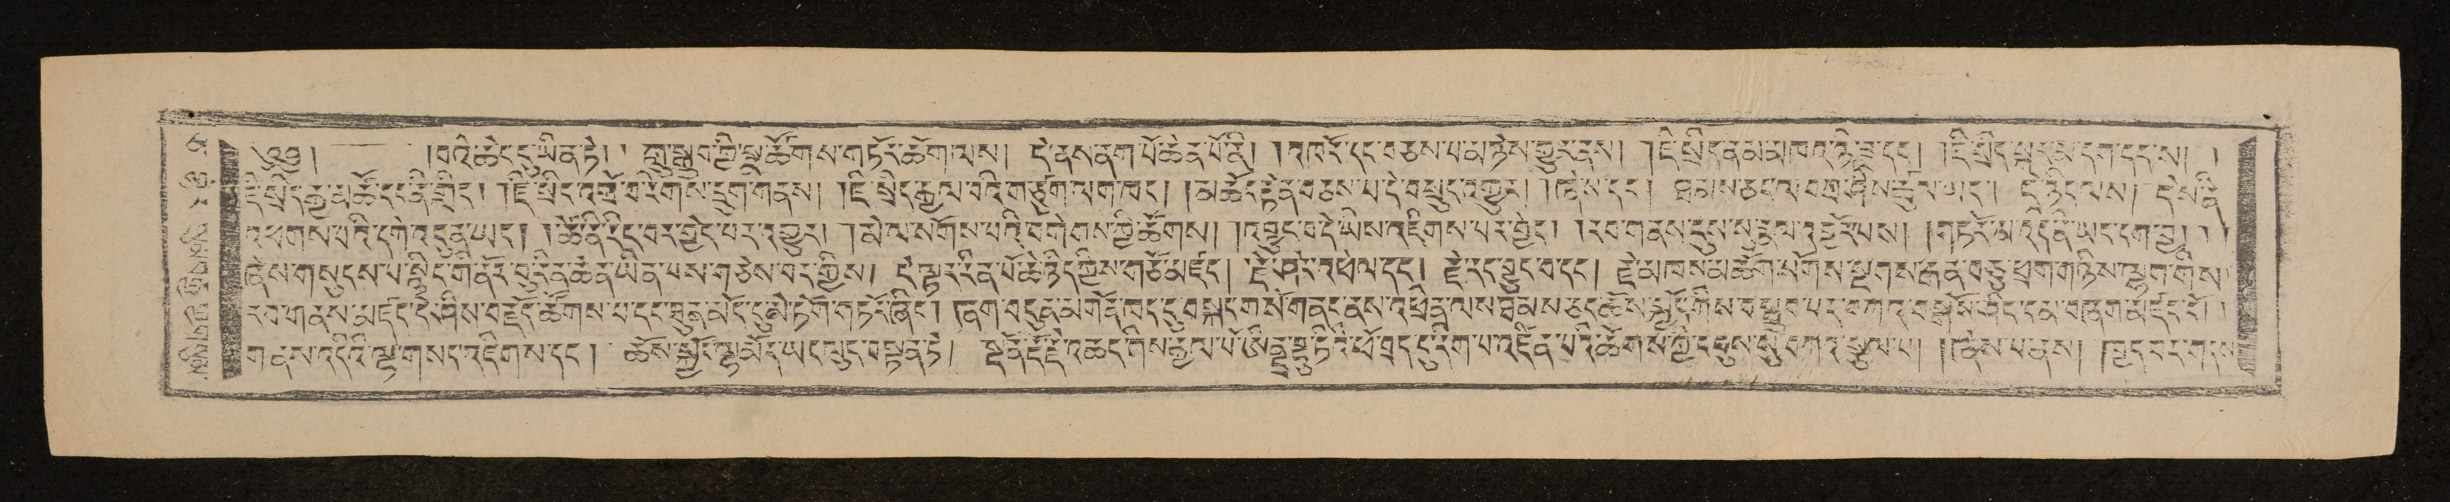༄༅། །བའི་ཆེད་དུ་ཡིན་ཏེ། ཀླུ་སྒྲུབ་ཀྱི་སྣ་ཚོགས་གཏོར་ཆོག་ལས། དེ་ནས་ནག་པོ་ཆེན་པོ་ནི། །འཁོར་དང་བཅས་པ་མཉེས་གྱུར་ནས། །ཇི་སྲིད་ནམ་མཁའ་ཉི་ཟླ་དང་། །ཇི་སྲིད་སྐར་མ་དག་དངས། །
ཇི་སྲིད་རྒྱ་མཚོ་དང་ནི་གླིང་། །ཇི་སྲིད་འགྲོ་བ་རིགས་དྲུག་གནས། །ཇི་སྲིད་རྒྱལ་བའི་གཙུག་ལག་ཁང་། །མཆོད་རྟེན་བཅས་པ་དེ་བསྲུང་འགྱུར། །ཞེས་དང་། ཐམས་ཅད་ལ་བཀྲ་ཤིས་ཚུལ་དང་། དེ་ཉིད་ལས། དེས་ནི་
འཕགས་པའི་དགེ་འདུན་ཡང་། །ཚེ་ནི་རིང་བར་བྱེད་པར་འགྱུར། །མེ་ལ་སོགས་པའི་བགེགས་ཀྱི་ཚོགས། །འབྱུང་བ་དེ་ཡིས་འཇིགས་པར་བྱེད། །རབ་གནས་དུས་སུ་རྣལ་འབྱོར་བས། །གཏོར་མ་འདི་ནི་ཡང་དག་བྱ། །
ཞེས་གསུངས་པ་སྙིང་གི་ནོར་བུ་རིན་ཆེན་ཡིན་པས་གཅེས་པར་གྱིས། དེ་ལྟར་རིན་པོ་ཆེ་ཉིད་ཀྱིས་གཙོ་མཛད། རྗེ་ཤེར་འཕེལ་དང་། རྗེ་རང་བྱུང་བ་དང་། རྗེ་མཁས་མཆོག་སོགས་སྔགས་རྒན་བཅུ་ཕྲག་གཉིས་ལྷག་གིས་
རབ་གནས་མཛད་དེ་ཤིས་བརྗོད་ཚོགས་པ་དང་ཐུན་མོང་དུ་མེ་ཏོག་གཏོར་ཞིང་། ཞག་བདུན་མགོན་ཁང་དུ་བསྐང་གསོ་གནང་ནས་འཕྲིན་ལས་ཐམས་ཅད་ཆོས་སྐྱོང་གིས་བསྒྲུབ་པར་བཀའ་བསྒོས་ཤིང་དམ་བཞག་མཛད་དོ། །
གནས་འདིའི་ལྷ་གསང་འཇིགས་དང་། ཆོས་སྐྱོང་ལྷ་མོར་ཡང་ལུང་བསྟན་ཏེ། སྔོན་རྡོ་རྗེ་འཆང་གིས་རྒྱལ་པོ་ཨིནྡྲ་བྷུ་ཏིའི་ཕོ་བྲང་དུ་རིག་པ་འཛིན་པའི་ཚོགས་ཀྱི་དབུས་སུ་བཀའ་སྩལ་བ། ཞེས་པ་ནས། ཁྱད་པར་གངས་